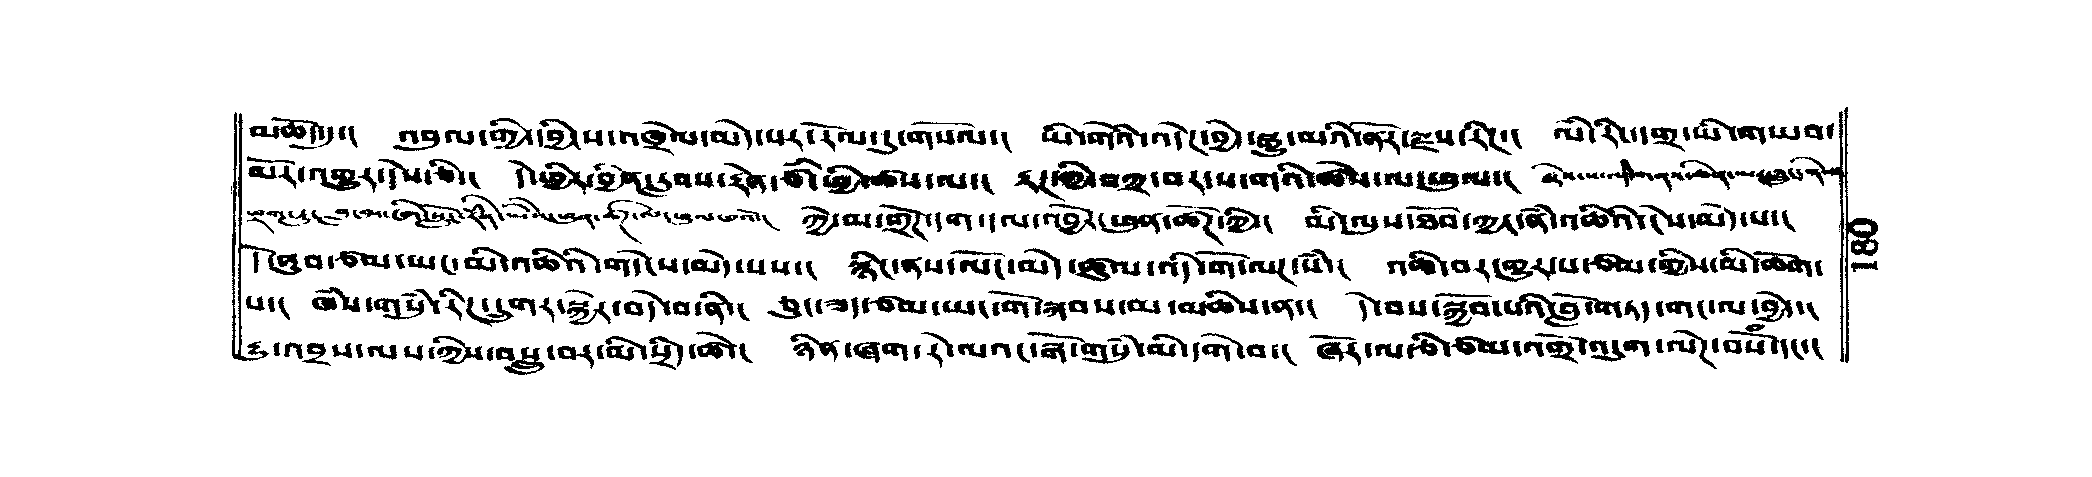མཆོད་དུ། །འབུལ་གྱི་དབྱིངས་འཁྲེལ་མེད་པར་རོལ་དུ་གསོལ། །ཡི་གེའི་འདེགས་བྱེད་སྒྱུ་མའི་ནོར་རྫས་རིགས། །ལམ་རིང་དགྲ་ཡི་གཡབ་
མོར་འགྱུར་དེས་ཅི། །དེ་ཕྱིར་བྱིན་རླབས་རྟེན་ཙམ་ཕྱི་ཚས་ལ། །རྟགས་གྱི་བཀྲ་བར་ས་གའི་ཚེས་ལ་ཕུལ། ཞེས་པ་འདི་གནས་ཆེན་ཡར་ཀླུང་ཤེལ་
བྲག་ཏུ། བླ་མ་དགེ་སློང་རིག་འཛིན་ཡེ་ཤེས་ཕུན་ཚོགས་ལ་ཕུལ་བའོ།། ༈ ཀྱེ་མ་གྲོགས་དག་དལ་འབྱོར་ཕུན་ཚོགས་ཀྱི། །མི་ལུས་ཐོབ་ཀྱང་ནམ་འཆིའི་ངེས་མེད་པ། །
དོ་ནུབ་ཙམ་ཡང་མི་འཆིའི་གདོངས་མེད་པས། །སྙིང་ནས་ལོང་མེད་ཚུལ་འདི་གོ་ལགས་སམ། །འཆི་བར་གྱུར་པ་ཙམ་གྱིས་མི་ཆོག་
པ། །ཁམས་གསུམ་རིགས་དྲུག་གར་སྐྱེར་བདེ་བ་ནི། །ཅུང་ཟད་ཙམ་ཡང་གོ་སྐབས་མ་མཆིས་ན། །དེ་བས་སྐྱོབ་པའི་བློ་གཏད་གང་ལ་བྱེད། །
རྒྱུ་འབྲས་ལས་ཀྱིས་བསླུ་བར་མི་སྲིད་ཚེ། །ཉིན་ཞག་རེ་ལའང་སྒོ་གསུམ་མི་དགེ་བ། །ཞོར་ལ་ཅི་ཙམ་འགྲོ་འདུག་ལེགས་བསོམ་དང་།